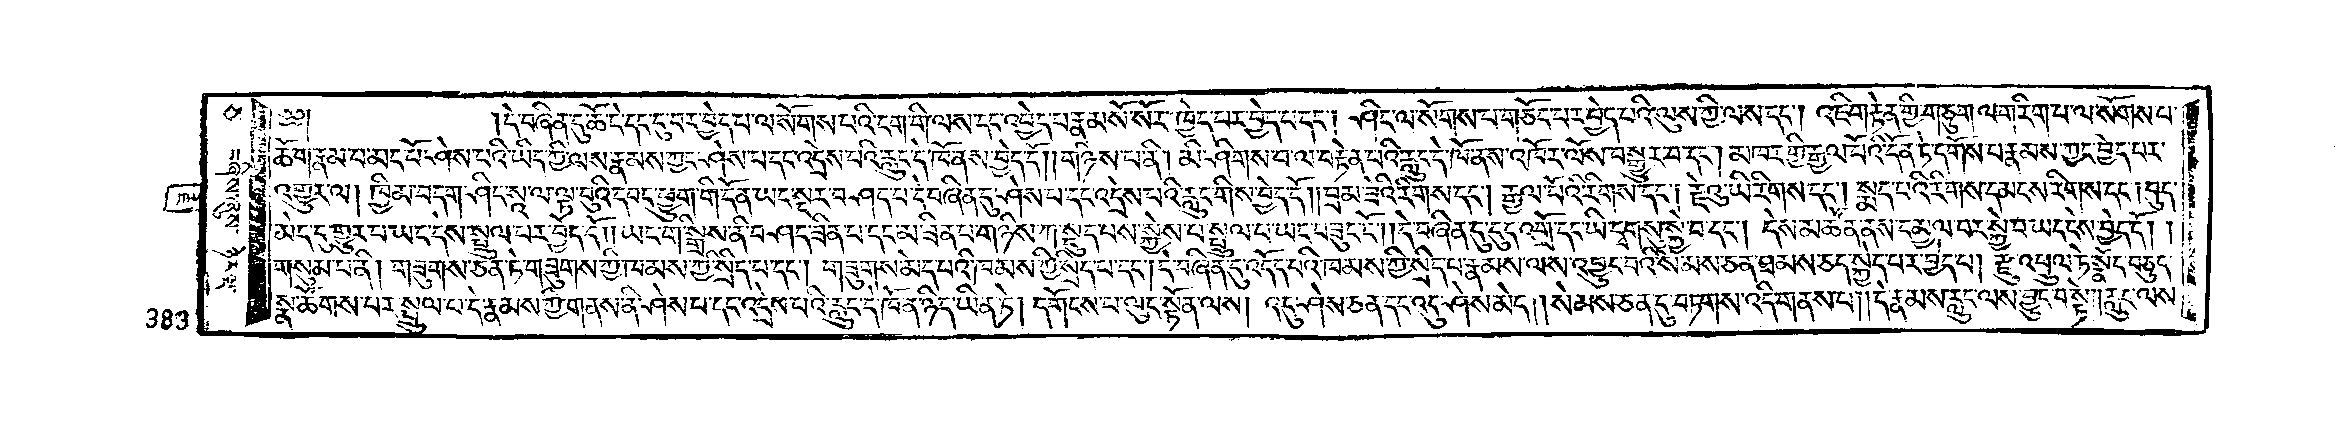༄༅། །དེ་བཞིན་དུ་ཆོ་དེ་དང་དུ་བར་བྱེད་པ་ལ་སོགས་པའི་ངག་གི་ལས་དང་འབྱེད་པ་རྣམས་སོ་སོར་བྱེད་པར་བྱེད་པ་དང་། ཤིང་ལ་སོགས་པ་གཅོད་པར་བྱེད་པའི་ལུས་ཀྱི་ལས་དང་། འཇིག་རྟེན་གྱི་གཅུག་ལག་རིག་པ་ལ་སོགས་པ་
ཆོ་ག་རྣམ་པ་མང་པོ་ཤེས་པའི་ཡིད་ཀྱི་ལས་རྣམས་ཀྱང་ཤེས་པ་དང་འདྲེས་པའི་རླུང་དེ་ཁོ་ནས་བྱེད་དོ། །གཉིས་པ་ནི། མི་ཤིགས་པ་ལ་བརྟེན་པའི་རླུང་དེ་ཁོ་ནས་འཁོར་ལོས་བསྒྱུར་བ་དང་། མཁར་གྱི་རྒྱལ་པོའི་དོན་ཏེ་དགོས་པ་རྣམས་ཀྱང་བྱེད་པར་
འགྱུར་ལ། ཁྱིམ་བདག་ཤིང་སཱ་ལ་ལྟ་བུའི་དབང་ཕྱུག་གི་དོན་ཡང་སྔར་བཤད་པ་དེ་བཞིན་དུ་ཤེས་པ་དང་འདྲེས་པའི་རླུང་གིས་བྱེད་དོ། །བྲམ་ཟེའི་རིགས་དང་། རྒྱལ་པོའི་རིགས་དང་། རྗེའུ་ཡི་རིགས་དང་། སྨད་པའི་རིགས་དམངས་རིགས་དང་། བུད་
མེད་དུ་གྱུར་པ་ཡང་དེས་སྤྲུལ་པར་བྱེད་དོ། །ཡང་གི་སྒྲས་ནི་བཤད་ཟིན་པ་དང་མ་ཟིན་པ་གཉིས་ཀ་སྡུད་པས་སྐྱེས་པ་སྤྲུལ་པ་ཡང་བཟུང་ངོ། །དེ་བཞིན་དུ་དུད་འགྲོ་དང་ཡི་དྭགས་སུ་སྐྱེ་བ་དང་། དེས་མཚོན་ནས་དམྱལ་བར་སྐྱེ་བ་ཡང་དེས་བྱེད་དོ། །
གསུམ་པ་ནི། གཟུགས་ཅན་ཏེ་གཟུགས་ཀྱི་ཁམས་ཀྱི་སྲིད་པ་དང་། གཟུགས་མེད་པའི་ཁམས་ཀྱི་སྲིད་པ་དང་། དེ་བཞིན་དུ་འདོད་པའི་ཁམས་ཀྱི་སྲིད་པ་རྣམས་ལས་འབྱུང་བའི་སེམས་ཅན་ཐམས་ཅད་སྐྱེད་པར་བྱེད་པ། རྫུ་འཕྲུལ་ཏེ་སྣོད་བཅུད་
སྣ་ཚོགས་པར་སྤྲུལ་པ་དེ་རྣམས་ཀྱི་གནས་ནི་ཤེས་པ་དང་འདྲེས་པའི་རླུང་དེ་ཁོ་ན་ཉིད་ཡིན་ཏེ། དགོངས་པ་ལུང་སྟོན་ལས། འདུ་ཤེས་ཅན་དང་འདུ་ཤེས་མེད། །སེམས་ཅན་དུ་བཏགས་འདི་གནས་པ། །དེ་རྣམས་རླུང་ལས་བྱུང་བ་སྟེ། །རླུང་ལས་